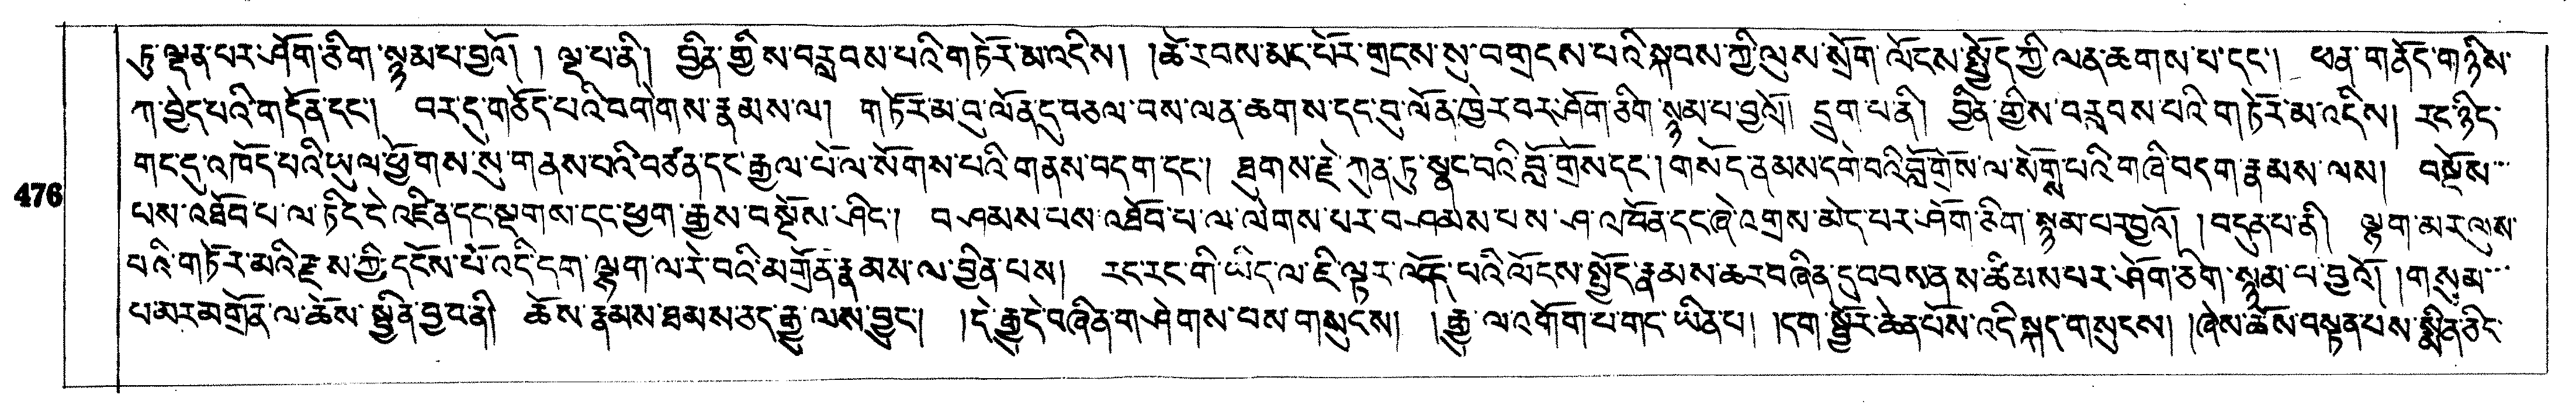ཏུ་ལྡན་པར་ཤོག་ཅིག་སྙམ་པ་བྱའོ། །ལྔ་པ་ནི། བྱིན་གྱིས་བརླབས་པའི་གཏོར་མ་འདིས། །ཚེ་རབས་མང་པོར་གྲངས་སུ་བགྲངས་པའི་སྐབས་ཀྱི་ལུས་སྲོག་ལོངས་སྤྱོད་ཀྱི་ལན་ཆགས་པ་དང་། ཕན་གནོད་གཉིས་
ཀ་བྱེད་པའི་གདོན་དང་། བར་དུ་གཅོད་པའི་བགེགས་རྣམས་ལ། གཏོར་མ་བུ་ལོན་དུ་བཅལ་བས་ལན་ཆགས་དང་བུ་ལོན་ཁྱེར་བར་ཤོག་ཅིག་སྙམ་པ་བྱའོ།། དྲུག་པ་ནི། བྱིན་གྱིས་བརླབས་པའི་གཏོར་མ་འདིས། རང་ཉིད་
གང་དུ་འཁོད་པའི་ཡུལ་ཕྱོགས་སུ་གནས་པའི་བཙན་དང་རྒྱལ་པོ་ལ་སོགས་པའི་གནས་བདག་དང་། ཐུགས་རྗེ་ཀུན་ཏུ་སྣང་བའི་བློ་གྲོས་དང་། གསོད་ནམས་དགེ་བའི་བློ་གྲོས་ལ་སོགས་པའི་གཞི་བདག་རྣམས་ལས། བསྔོས་
པས་འཐོབ་པ་ལ་ཏིང་ངེ་འཛིན་དང་སྔགས་དང་ཕྱག་རྒྱས་བསྔོས་ཤིང་། བཤམས་པས་འཐོབ་པ་ལ་ལེགས་པར་བཤམས་པས་ཤ་འཁོན་དང་ཞེ་འགྲས་མེད་པར་ཤོག་ཅིག་སྙམ་པར་བྱའོ། །བདུན་པ་ནི། ལྷག་མར་ལུས་
པའི་གཏོར་མའི་རྫས་ཀྱི་དངོས་པོ་འདི་དག་ལྷག་ལ་རེ་བའི་མགྲོན་རྣམས་ལ་བྱིན་པས། རང་རང་གི་ཡིད་ལ་ཇི་ལྟར་འདོད་པའི་ལོངས་སྤྱོད་རྣམས་ཆར་བཞིན་དུ་བབས་ནས་ཚིམས་པར་ཤོག་ཅིག་སྙམ་པ་བྱའོ། །གསུམ་
པ་མར་མགྲོན་ལ་ཆོས་སྦྱིན་བྱ་བ་ནི། ཆོས་རྣམས་ཐམས་ཅད་རྒྱུ་ལས་བྱུང་། །དེ་རྒྱུ་དེ་བཞིན་གཤེགས་པས་གསུངས། །རྒྱུ་ལ་འགོག་པ་གང་ཡིན་པ། །དག་སྦྱོར་ཆེན་པོས་འདི་སྐད་གསུངས། །ཞེས་ཆོས་བསྟན་པས་སྨིན་ཅིང་